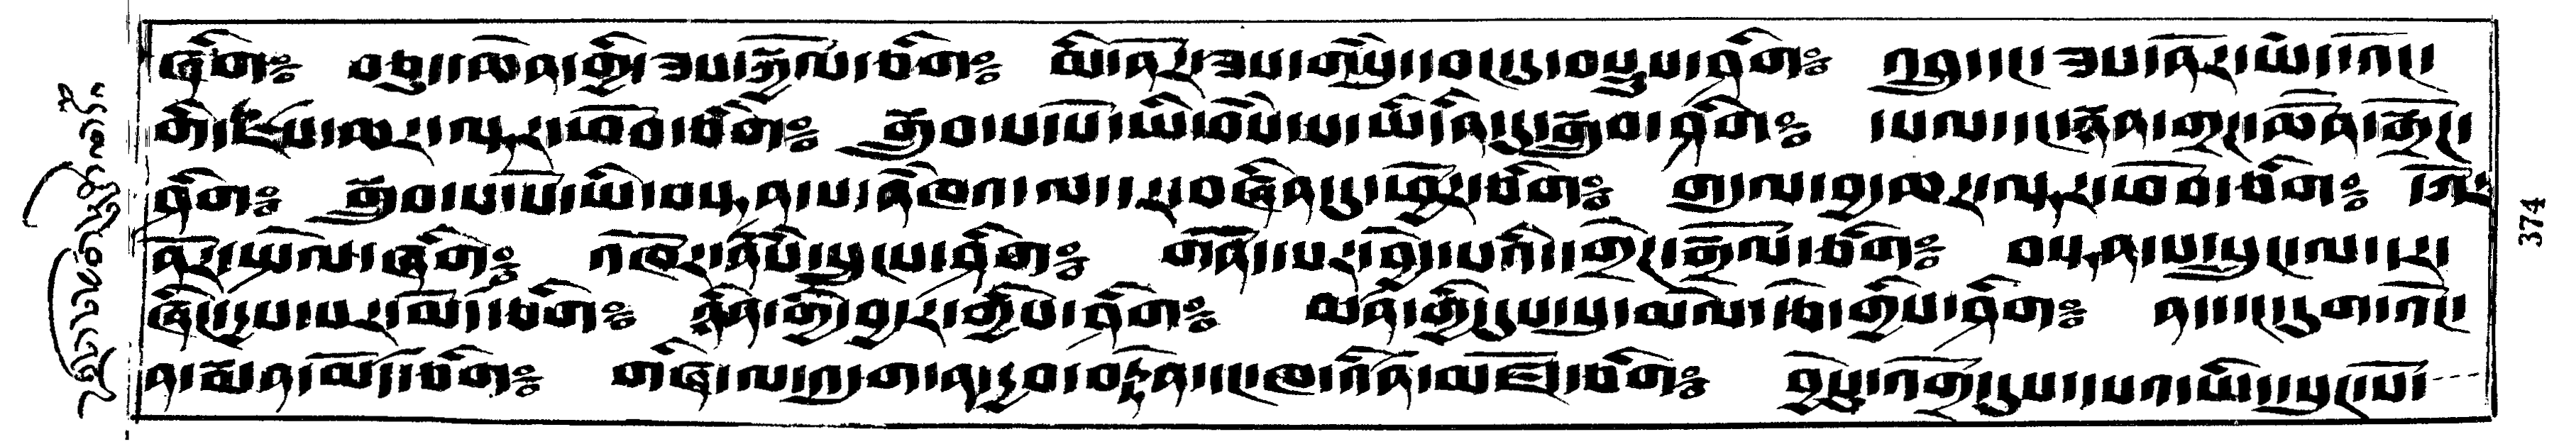ཞིག༔ བཅུད་ཆེན་གྱི་ཟས་སྐྱོལ་ཞིག༔ མི་ནོར་ཟས་གསུམ་དབང་དུ་བསྡུས་ཤིག༔ འབྲུ་དང་ཟས་ནོར་ཡིད་འོང་
གི་རྫས་ཆར་ལྟར་ཕོབ་ཅིག༔ སྒྲུབ་པ་པོའི་བསམ་པ་ཡིད་བཞིན་དུ་སྒྲུབས་ཤིག༔ དཔལ་དང་སྙན་གྲགས་ཆེན་པོ་སྒྲོགས་
ཞིག༔ སྒྲུབ་པ་པོའི་བསྟན་པ་ནམ་མཁའ་ལ་དར་བཞིན་དུ་ཕྱོར་ཞིག༔ གདུལ་བྱ་ཆར་ལྟར་ཕོབ་ཅིག༔ དཀོར་
ནོར་སྤེལ་ཞིག༔ འཁོར་རྣམས་སྲུངས་ཤིག༔ གནོད་པར་བྱེད་པའི་དགྲ་གེགས་སྒྲོལ་ཞིག༔ བསྟན་པ་སྲུང་ལ་དར་
ཞིང་རྒྱས་པར་མཛོད་ཅིག༔ ཉིན་གྱི་བྱ་ར་གྱིས་ཤིག༔ མཚན་གྱི་དུས་སུ་མེལ་ཚེ་གྱིས་ཤིག༔ ནད་དང་དུག་འོང་
ན་སྨན་མཛོད་ཅིག༔ གཞིས་ལ་འདུག་ན་རྒྱབ་བརྟེན་དང་ཁ་འཛིན་མཛོད་ཅིག༔ བྱེས་སུ་འགྲོ་དུས་དཔའ་ཡི་དསཔུང་རོགས་